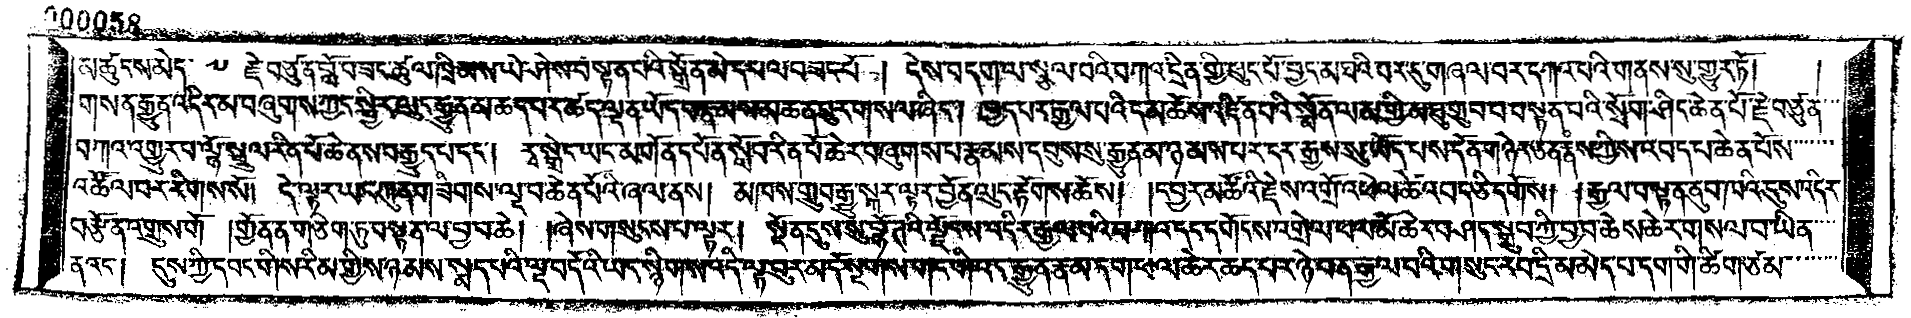མཚུངས་མེད ༧་རྗེ་བཙུན་བློ་བཟང་ཚུལ་ཁྲིམས་ཡེ་ཤེས་བསྟན་པའི་སྒྲོན་མེ་དཔལ་བཟང་པོ་།དེས་བདག་ལ་སྩལ་བའི་བཀའ་དྲིན་གྱི་ཕུང་པོ་བྱང་མཐའི་བར་དུ་གཞལ་བར་དཀའ་པའི་གནས་སུ་གྱུར་ཏོ། །
གསན་རྒྱུན་འདིར་མ་བཞུགས་ཀྱང་སྤྱིར་ལུང་རྒྱུན་མ་ཆད་པར་ཚད་ལྡན་ཡོད་པ་རྣམས་མཆན་བུར་གསལ་ཞིང་། ཁྱད་པར་རྒྱལ་པའི་དམ་ཆོས་འཛིན་པའི་སྨོན་ལམ་གྱི་མཐུ་གྲུབ་པ་བསྟན་པའི་སྲོག་ཤིང་ཆེན་པོ་རྗེ་བཙུན་
བཀའ་འགྱུར་པ་ལྷོ་སྤྲུལ་རིན་པོ་ཆེ་ནས་བརྒྱུད་པ་དང་། རྭ་སྒྲེང་ཡང་མགོན་དཔོན་སློབ་རིན་པོ་ཆེར་བཞུགས་པ་རྣམས་དབུས་སུ་རྒྱུན་མ་ཉམས་པར་དར་རྒྱས་སུ་ཡོད་པས་དོན་གཉེར་ཅན་རྣཾས་ཀྱིས་འབད་པ་ཆེན་པོས་
འཚོལ་བར་རིགས་སོ། དེ་ལྟར་ཡང་ཀུན་གཟིགས་ལྔ་བ་ཆེན་པོའི་ཞལ་ནས། མཁས་གྲུབ་རྒྱུ་སྐར་ལྟར་བྱོན་ལུང་རྟོགས་ཆོས། །དབྱར་མཚོའི་རྗེས་འགྲོ་འཕེལ་ཚེ་འབད་ཅི་དགོས། །རྒྱལ་བསྟན་ནུབ་ཁའི་དུས་འདིར་
བརྩོན་འགྲུས་གོ །གྱོན་ན་གཅིག་ཏུ་བསྟན་ལ་བྱ་བ་ཆེ། །ཞེས་གསུངས་པ་ལྟར། སྔོན་དུས་སུ་བྷོ་ཊའི་ལྗོངས་འདིར་རྒྱལ་བའི་བཀའ་དང་དགོངས་འགྲེལ་ཕལ་མོ་ཆེར་བཤད་སྒྲུབ་ཀྱི་བྱ་བ་ཆེས་ཆེར་གསལ་བ་ཡིན་
ནའང་། དུས་ཀྱི་དབང་གིས་རིམ་གྱིས་ཉམས་སྨད་པའི་ལྔ་བདོའི་ཡང་སྙིགས་འདི་ལྟ་བུར་མདོ་སྔགས་གང་གི་འང་རྒྱུན་རྣམ་དག་ཕལ་ཆེར་ཆད་པར་ཉེ་བན་རྒྱལ་བའི་གསུང་རབ་དྲི་མ་མེད་པ་དག་གི་ཚིག་ཙམ་